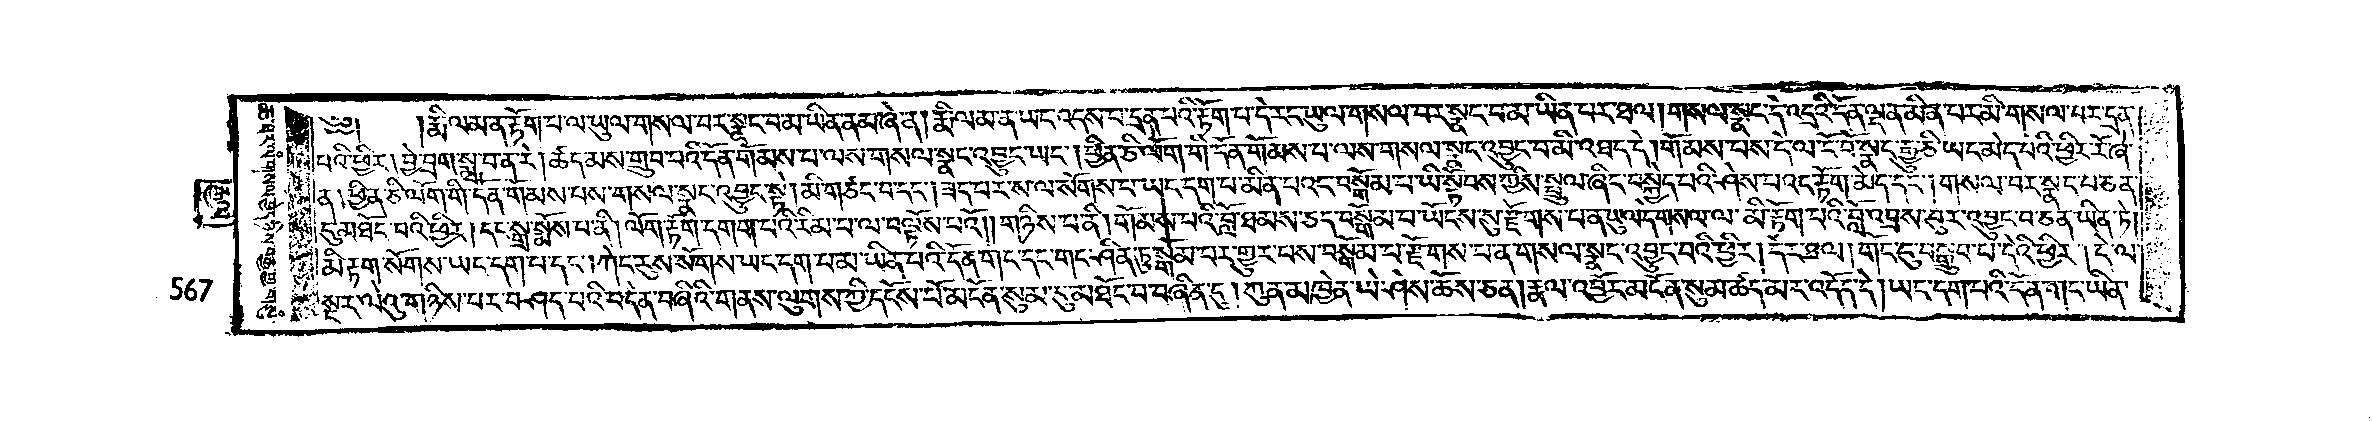༄༅། །རྨི་ལམ་ན་རྟོག་པ་ལ་ཡུལ་གསལ་བར་སྣང་བ་མ་ཡིན་ནམ་ཞེ་ན། རྨི་ལམ་ན་ཡང་འདས་པ་དྲན་པའི་རྟོག་པ་དེ་རང་ཡུལ་གསལ་བར་སྣང་བ་མ་ཡིན་པར་ཐལ། གསལ་སྣང་དེ་འདྲའི་དོན་ལྡན་མིན་པར་མི་གསལ་པར་དྲན་
བའི་ཕྱིར། བྱེ་བྲག་སྨྲ་བ་ན་རེ། ཚད་མས་གྲུབ་པའི་དོན་གོམས་པ་ལས་གསལ་སྣང་འབྱུང་ཡང་། ཕྱིན་ཅི་ལོག་གི་དོན་གོམས་པ་ལས་གསལ་སྣང་འབྱུང་བ་མི་འཐད་དེ། གོམས་པས་དེ་ལ་ངོ་བོ་སྣང་རྒྱུ་ཅི་ཡང་མེད་པའི་ཕྱིར་རོ་ཞེ་
ན། ཕྱིན་ཅི་ལོག་གི་དོན་གོམས་པས་གསལ་སྣང་འབྱུང་སྟེ། མི་གཙང་བ་དང་། ཟད་པར་ས་ལ་སོགས་པ་ཡང་དག་པ་མིན་པའང་བསྒོམ་པ་ཡི་སྟོབས་ཀྱིས་སྤྲུལ་ཞིང་བསྐྱེད་པའི་ཤེས་པའང་རྟོག་མེད་དང་། གསལ་བར་སྣང་བ་ཅན་
དུ་མཐོང་པའི་ཕྱིར། དང་སྒྲ་སྨོས་པ་ནི། ལོག་རྟོག་དགག་པའི་རིམ་པ་ལ་བལྟོས་པའོ། །གཉིས་པ་ནི། གོམས་པའི་བློ་ཐམས་ཅད་བསྒོམ་པ་ཡོངས་སུ་རྫོགས་པ་ན་ཡུལ་དེ་གསལ་ལ་མི་རྟོག་པའི་བློ་འབྲས་བུར་འབྱུང་བ་ཅན་ཡིན་ཏེ།
མི་རྟག་སོགས་ཡང་དག་པ་དང་། ཀེང་རུས་སོགས་ཡང་དག་པ་མ་ཡིན་པའི་དོན་གང་དང་གང་ཤིན་ཏུ་སྒོམ་པར་གྱུར་པས་བསྒོམ་པ་རྫོགས་པ་ན་གསལ་སྣང་འབྱུང་བའི་ཕྱིར། དེར་ཐལ། གོང་དུ་བསྒྲུབ་པ་དེའི་ཕྱིར། དེ་ལ་
སྔར་ལེའུ་གཉིས་པར་བཤད་པའི་བདེན་བཞིའི་གནས་ལུགས་ཀྱི་དངོས་པོ་མངོན་སུམ་དུ་མཐོང་བ་བཞིན་དུ། ཀུན་མཁྱེན་ཡེ་ཤེས་ཆོས་ཅན། རྣལ་འབྱོར་མངོན་སུམ་ཚད་མར་འདོད་དེ། ཡང་དག་པའི་དོན་གང་ཡིན་